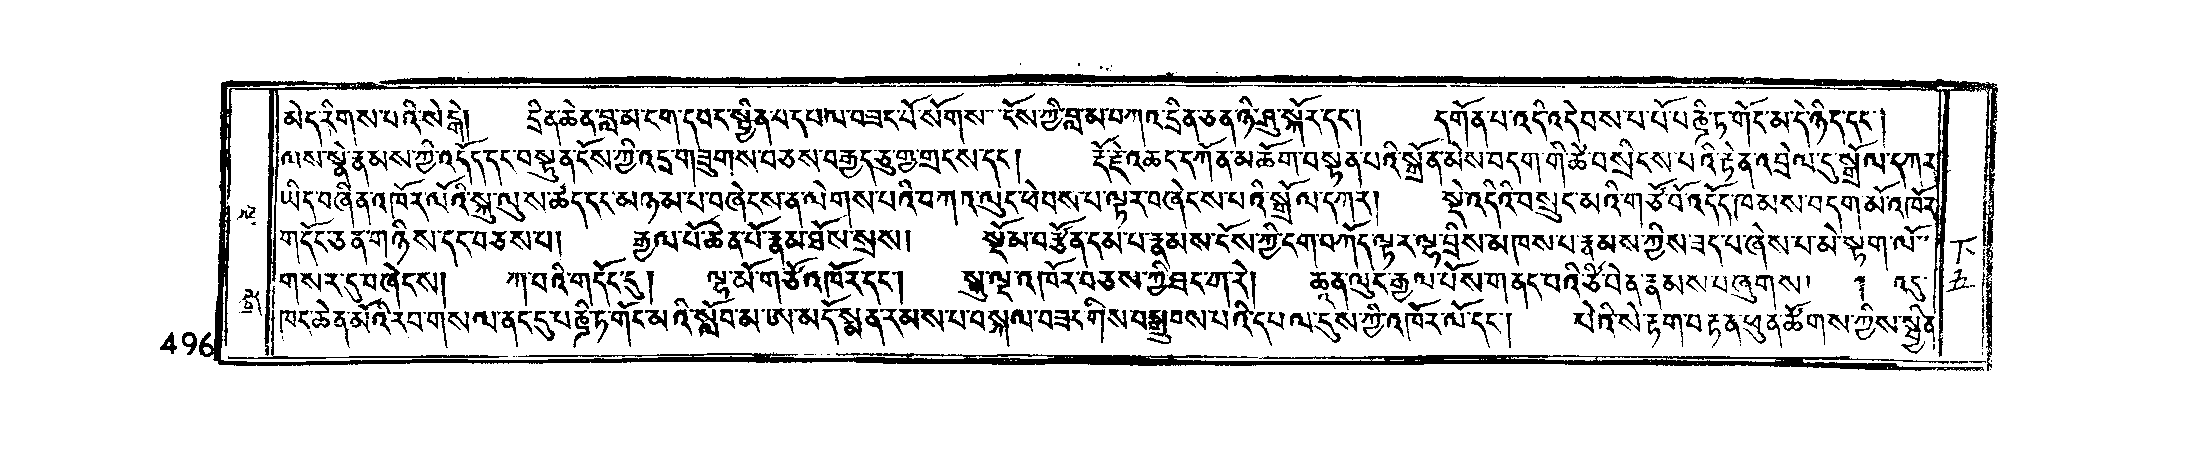མེད་རིགས་པའི་སེངྒེ། དྲིན་ཆེན་བླ་མ་ངག་དབང་སྦྱིན་པ་དཔལ་བཟང་པོ་སོགས་ངོས་ཀྱི་བླ་མ་བཀའ་དྲིན་ཅན་ཉི་ཤུ་སྐོར་དང་། དགོན་པ་འདི་འདེབས་པ་པོ་པཎྜི་ཏ་གོང་མ་དེ་ཉིད་དང་།
ལས་སྣེ་རྣམས་ཀྱི་འདོད་དང་བསྟུན་ངོས་ཀྱི་འདྲ་གཟུགས་བཅས་བརྒྱད་ཅུ་གྱ་གྲངས་དང་། རྡོ་རྗེ་འཆང་དཀོན་མཆོག་བསྟན་པའི་སྒྲོན་མེས་བདག་གི་ཚེ་བསྲིངས་པའི་རྟེན་འབྲེལ་དུ་སྒྲོལ་དཀར་
ཡིད་བཞིན་འཁོར་ལོའི་སྐུ་ལུས་ཚད་དང་མཉམ་པ་བཞེངས་ན་ལེགས་པའི་བཀའ་ལུང་ཕེབས་པ་ལྟར་བཞེངས་པའི་སྒྲོལ་དཀར། སྡེ་འདིའི་བསྲུང་མའི་གཙོ་བོ་འདོད་ཁམས་བདག་མོ་འཁོར་
གདོང་ཅན་གཉིས་དང་བཅས་པ། རྒྱལ་པོ་ཆེན་པོ་རྣམ་ཐོས་སྲས། སྡོམ་བརྩོན་དམ་པ་རྣམས་ངོས་ཀྱི་ངག་བཀོད་ལྟར་ལྷ་བྲིས་མཁས་པ་རྣམས་ཀྱིས་ཟད་པ་ཞེས་པ་མེ་སྟག་ལོ་
གསར་དུ་བཞེངས། ཀ་བའི་གདོང་དུ། ལྷ་མོ་གཙོ་འཁོར་དང་། སྐུ་ལྔ་འཁོར་བཅས་ཀྱི་ཐང་ག་རེ། འཆན་ལུང་རྒྱལ་པོས་གནང་བའི་ཙི་བེན་རྣམས་བཞུགས། ༈ འདུ་
ཁང་ཆེན་མོའི་རབ་གསལ་ནང་དུ་པཎྜི་ཏ་གོང་མའི་སློབ་མ་ཨ་མདོ་སྨན་རམས་པ་བསྐལ་བཟང་གིས་བསྒྲུབས་པའི་དཔལ་དུས་ཀྱི་འཁོར་ལོ་དང་། པེའི་སེ་རྟག་བརྟན་ཕུན་ཚོགས་ཀྱིས་སྦྱིན་